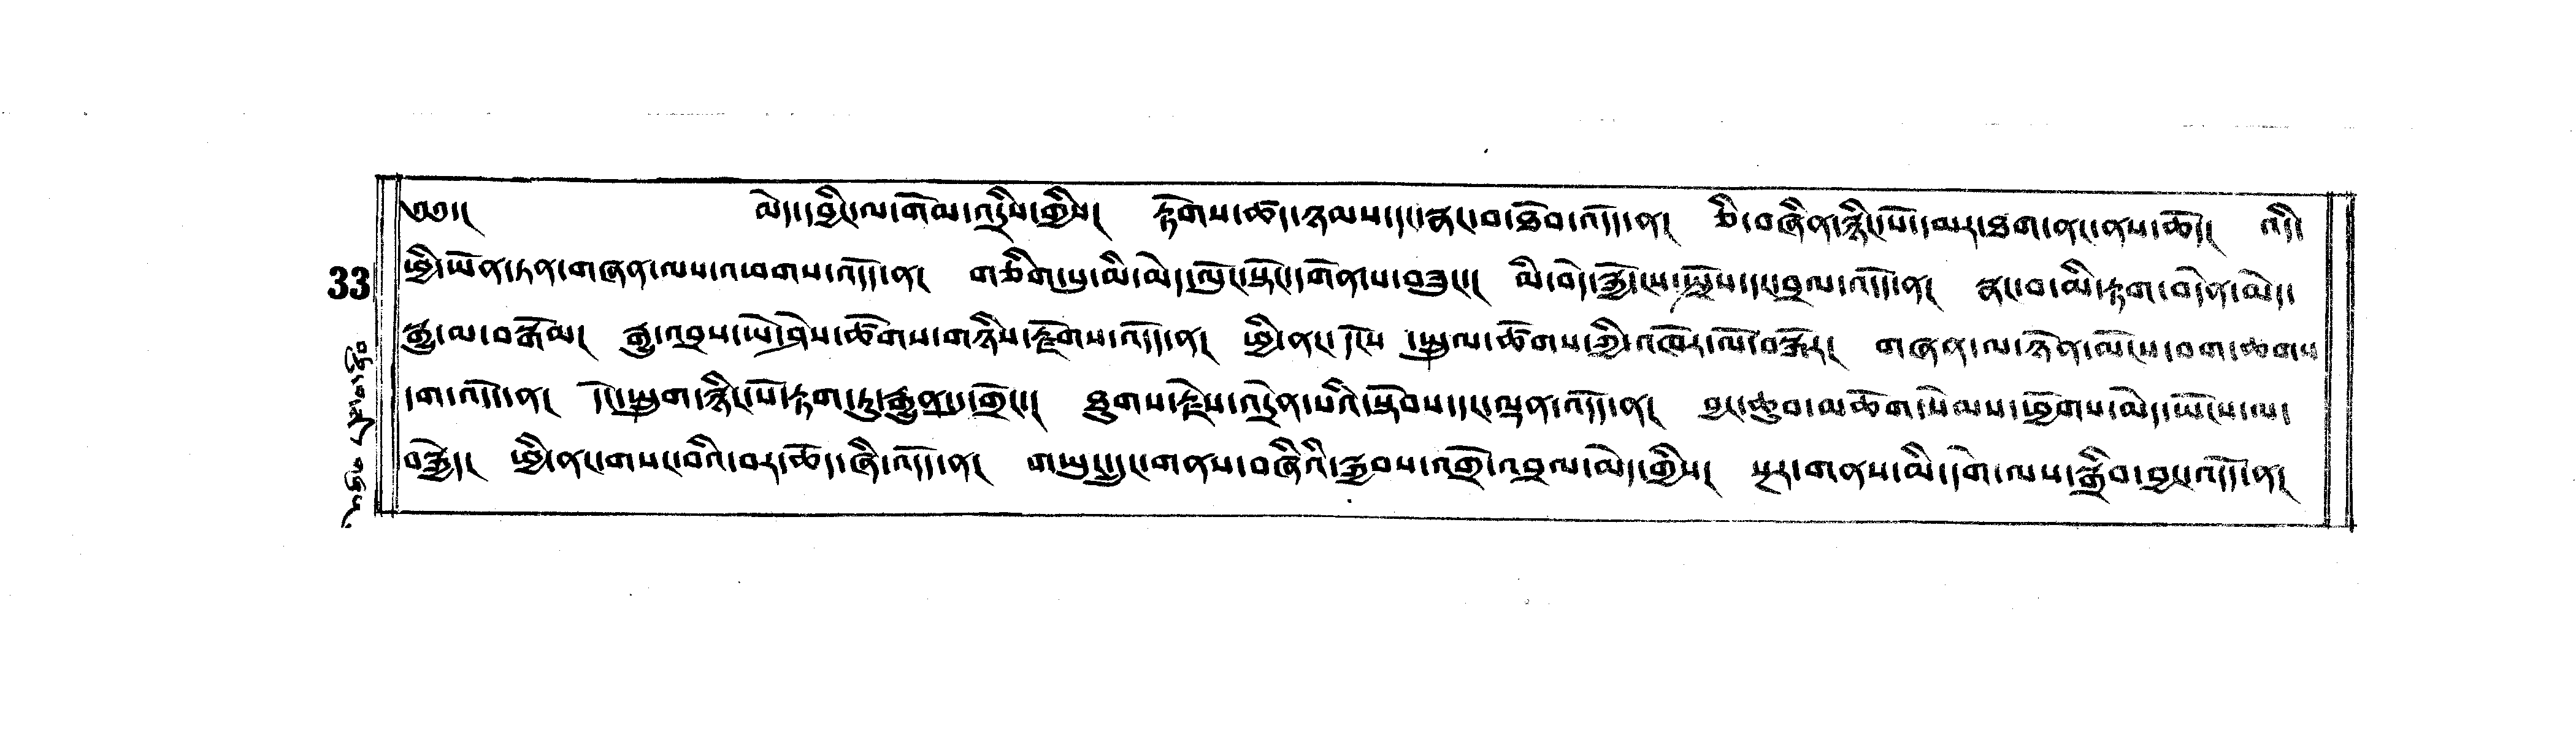མེད་དབྱིངས་ལ་གོམས་འདྲིས་གྱིས། རྟོགས་ཚད་ཉམས་དང་སྣང་བ་ཐོབ་འདོད་ན། ཅི་བཞིན་སྙིང་པོ་དམར་ཐག་ནང་ནས་ཆོད། འདི་
ཕྱི་ཡོན་ཏན་གཞན་ལས་འཕགས་འདོད་ན། གཅིག་པུ་མི་མེད་ལུང་སྟོང་དགོན་པ་བཟུང་། མི་བདེ་སྐྱོ་ངས་སྤྲོས་དང་བྲལ་འདོད་ན། སྣང་བ་མི་རྟག་བདེན་མེད་
སྒྱུ་མ་སྒོམས། རྒྱུ་འབྲས་ཡེ་ཤེས་ཚོགས་གཉིས་རྫོགས་འདོད་ན། ཕྱི་ནང་དངོས་སྤྲུལ་ཚོགས་ཀྱི་འཁོར་ལོ་བསྐོར། གཞན་ལ་ཉོན་མོངས་བག་ཆགས་
དག་འདོད་ན། དོང་སྤྲུག་སྙིང་པོ་རྟག་ཏུ་རྒྱུན་དུ་བགྲོངས། ཐུགས་རྗེས་འདྲེན་པའི་སྟོབས་དང་ལྡན་འདོད་ན། བྱང་ཆུབ་མཆོག་སེམས་ཕྱོགས་མེད་ཡོངས་ལ་
བསྐྱེད། ཕྱི་ནང་གསང་བའི་བར་ཆོད་ཞི་འདོད་ན། གཡུང་དྲུང་གནས་བཞིའི་སྐྱབས་འགྲོ་འབྲལ་མེད་གྱིས། སྔར་གནས་མི་དགེ་ལས་སྒྲིབ་བྱང་འདོད་ན།